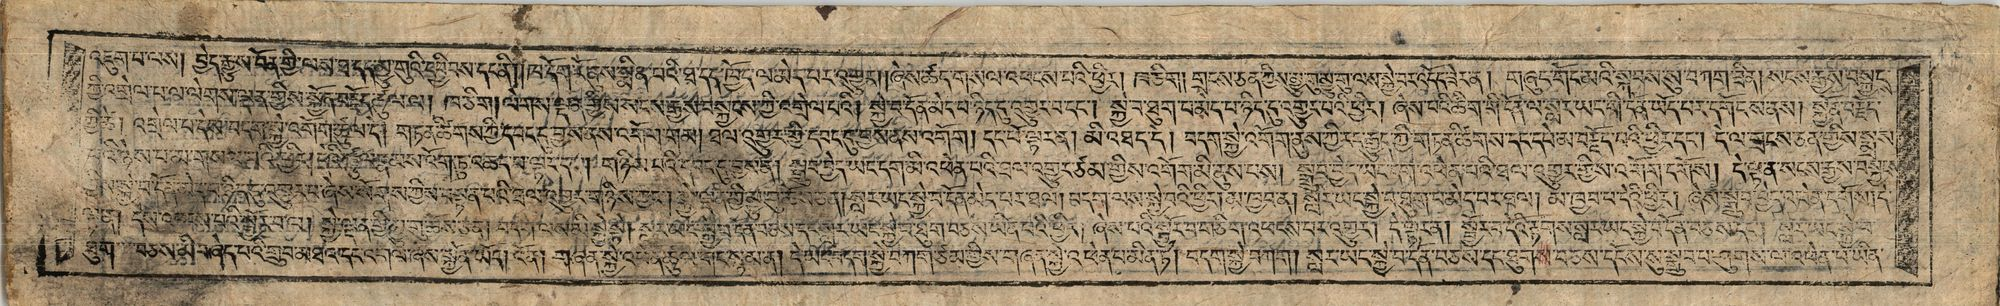འཇུག་པ་ལས། བྱེད་རྒྱུ་ས་བོན་གྱི་ལས་ཐ་དད་མྱུ་གུའི་དབྱིབས་དང་ནི། །ཁ་དོག་རོ་ནུས་སྨིན་པའི་ཐ་དད་ཁྱོད་ལ་མེད་པར་འགྱུར། །ཞེས་ཚད་གསལ་འཕངས་པའི་ཕྱིར། ཁ་ཅིག །གྲངས་ཅན་ཀྱིས་མྱུ་གུ་མྱུ་གུ་ལས་སྐྱེ་བར་འདོད་ཟེར་ན། གཞུང་གོང་མའི་སྐབས་སུ་བཀག་ཟིན། སངས་རྒྱས་བསྐྱངས་
ཀྱི་འགྲེལ་པ་ལ་ལེགས་ལྡན་གྱིས་སྐྱོན་བརྗོད་ཚུལ་ལ། ཁ་ཅིག །ལེགས་ལྡན་གྱིས་སངས་རྒྱས་བསྐྱངས་ཀྱི་འགྲེལ་བའི། སྐྱེ་བ་དོན་མེད་པ་ཉིད་དུ་འགྱུར་བ་དང་། སྐྱེ་བ་ཐུག་པ་མེད་པ་ཉིད་དུ་འགྱུར་པའི་ཕྱིར། ཞེས་པའི་ཚིག་གི་དོན་ལ་སླར་ཡང་གི་དོན་ཡོད་པར་དགོངས་ནས། སྐྱོན་བརྗོད་
ཀྱི་ཚེ། འགྲེལ་པ་དེས་བདག་སྐྱེ་འགོག་ཚུལ་དེ། གཏན་ཚིགས་ཀྱི་དབང་དུ་བྱས་ནས་འགོག་གམ། ཐལ་འགྱུར་གྱི་དབང་དུ་བྱས་ནས་འགོག །དང་པོ་ལྟར་ན། མི་འཐད་དེ། བདག་སྐྱེ་འགོག་ནུས་ཀྱི་རང་རྒྱུད་ཀྱི་གཏན་ཚིགས་དང་དཔེ་མ་བརྗོད་པའི་ཕྱིར་དང་། དེ་ལ་གྲངས་ཅན་གྱིས་སྨྲས་
པའི་ཉེས་པ་མ་གསལ་བའི་ཕྱིར། དེའི་ཚུལ་རྣམས་འོག་ཏུ་འཆད་པ་ལྟར་དང་། གཉིས་པའི་དབང་དུ་བྱས་ན། སྒྲུབ་བྱེད་ཡང་དག་མི་འཕེན་པའི་ཐལ་འགྱུར་ཙམ་གྱིས་འགོག་མི་ནུས་པས། སྒྲུབ་བྱེད་ཡང་དག་འཕེན་པའི་ཐལ་འགྱུར་གྱིས་འགོག་དགོས། དེ་ལྟ་ན་སངས་རྒྱས་བསྐྱངས་
ཀྱིས་སྐྱེ་བ་དོན་མེད་པ་ཉིད་དུ་འགྱུར་བ་ཞེས་སོགས་ཀྱིས་བསྟན་པའི་ཐལ་འགྱུར་གཉིས་ཀྱང་། སྐྱེ་ལྡན་གྱི་མྱུ་གུ་ཆོས་ཅན། སླར་ཡང་སྐྱེ་བ་དོན་མེད་པར་ཐལ། བདག་ལས་སྐྱེ་བའི་ཕྱིར། མ་ཁྱབ་ན། སླར་ཡང་སྐྱེ་བ་ཐུག་པ་མེད་པར་ཐལ། མ་ཁྱབ་པ་དེའི་ཕྱིར། ཞེས་སྒྲུབ་བྱེད་འཕེན་དགོས། དེ་
ལྟ་ན། དེས་འཕངས་པའི་སྦྱོར་བ་ལ། སྐྱེ་ལྡན་གྱི་མྱུ་གུ་ཆོས་ཅན། བདག་ལས་མི་སྐྱེ་སྟེ། སླར་ཡང་སྐྱེ་བ་དོན་བཅས་དང་སླར་ཡང་སྐྱེ་བ་ཐུག་བཅས་ཡིན་པའི་ཕྱིར། ཞེས་པའི་སྦྱོར་བ་གཅིག་འཕངས་པར་འགྱུར། དེ་ལྟར་ན། སྦྱོར་བ་དེའི་རྟགས་སླར་ཡང་སྐྱེ་བ་དོན་བཅས་དང་། སླར་ཡང་སྐྱེ་བ་
ཐུག་བཅས་མི་བཞེད་པའི་གྲུབ་མཐའ་དང་འགལ་ཞེས་སྐྱོན་ཡོད། འོ་ན། གཞན་སྐྱེ་འཕེན་ཚུལ་གང་སྙམ་ན། དེ་ཡང་བདག་སྐྱེ་བཀག་ཙམ་གྱིས་གཞན་སྐྱེ་འཕེན་པ་མིན་ཏེ། བདག་སྐྱེ་བཀག །སླར་ཡང་སྐྱེ་བ་དོན་བཅས་དང་ཐུག་བཅས་དངོས་སུ་སྒྲུབ་པ་ཤུགས་ལ་འཕེན་པ་ཡིན་